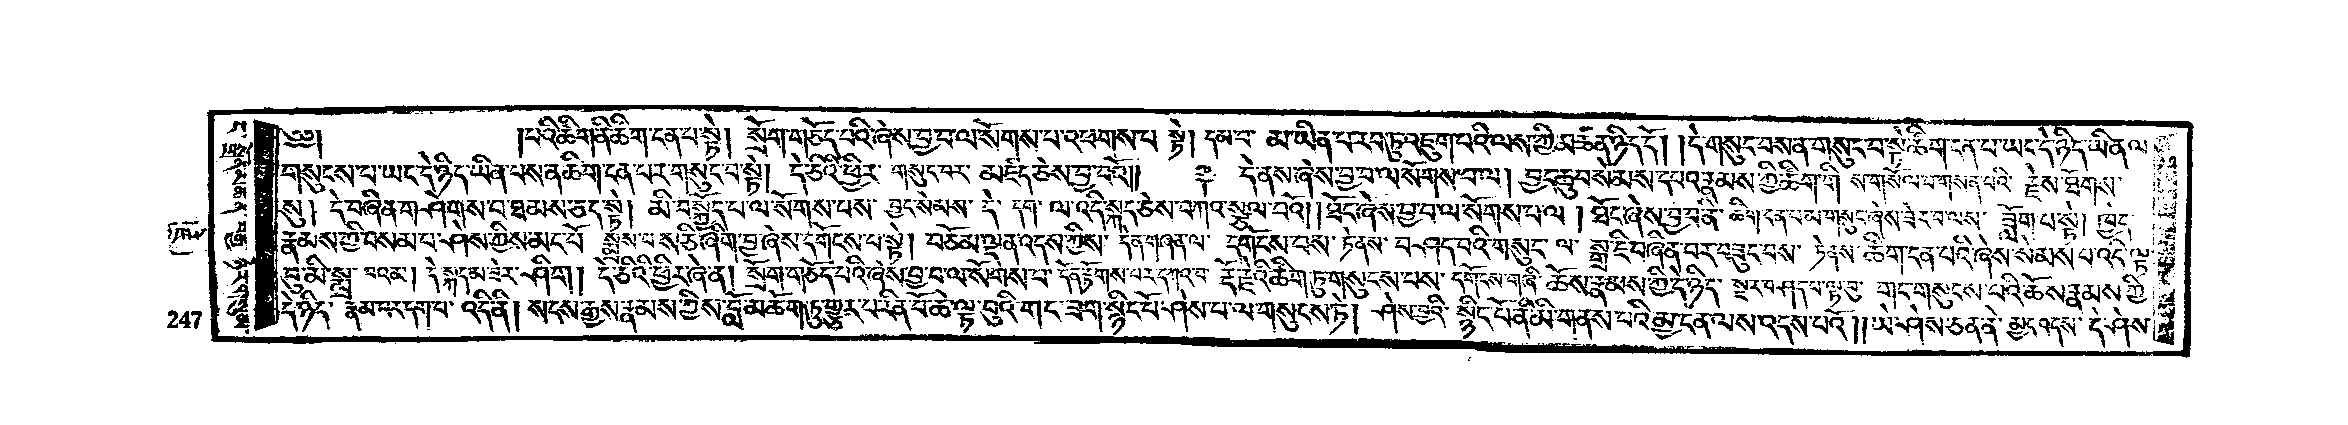༄༅། །པའི་ཚིག་ནི་ཚིག་ངན་པ་སྟེ། སྲོག་གཅོད་པའི་ཞེས་བྱ་བ་ལ་སོགས་པ་འཕགས་པ་སྟེ། དམ་པ་མ་ཡིན་པ་རབ་ཏུ་འཇུག་པའི་ལས་ཀྱི་མཚན་ཉིད་དོ། །དེ་གསུང་བས་ན་གསུང་བ་སྟེ་ཚིག་ངན་པ་ཡང་དེ་ཉིད་ཡིན་ལ་
གསུངས་པ་ཡང་དེ་ཉིད་ཡིན་པས་ན་ཚིག་ངན་པར་གསུང་བ་སྟེ། དེ་ཅིའི་ཕྱིར་གསུང་བར་མཛད་ཅེས་བྱ་བའོ།། ༈ དེ་ནས་ཞེས་བྱ་བ་ལ་སོགས་པ་ལ། བྱང་ཆུབ་སེམས་དཔའ་རྣམས་ཀྱི་ཚིག་གིས་གསོལ་བ་གསན་པའི་རྗེས་ཐོགས་
སུ། དེ་བཞིན་གཤེགས་པ་ཐམས་ཅད་སྟེ། མི་བསྐྱོད་པ་ལ་སོགས་པས་བྱང་སེམས་དེ་དག་ལ་འདི་སྐད་ཅེས་བཀའ་སྩལ་པའོ། །ཐོང་ཞེས་བྱ་བ་ལ་སོགས་པ་ལ། ཐོང་ཞེས་བྱ་བ་ནི་ཚིག་ངན་པ་མ་གསུང་ཞེས་ཟེར་བ་ལས་ཟློག་པ་སྟེ། ཁྱེད་
རྣམས་ཀྱི་བསམ་པ་ཤེས་ཀྱིས་མང་པོ་སྨྲས་པས་ཅི་ཞིག་བྱ་ཞེས་དགོངས་པ་སྟེ། བཅོམ་ལྡན་འདས་ཀྱིས་དོན་གཞན་ལ་དགོངས་པས་ཏེ་ནས་བཤད་པའི་གསུང་ལ་སྒྲ་ཇི་བཞིན་པར་བཟུང་བས་ཏེ་ནས་ཚིག་ངན་པའི་ཞེས་སེམས་པ་འདི་ལྟ་
བུ་མི་སྨྲ་བའམ། དེ་སྐད་མ་ཟེར་ཤིག །དེ་ཅིའི་ཕྱིར་ཞེ་ན། སྲོག་གཅོད་པའི་ཞེས་བྱ་བ་ལ་སོགས་པ་དོན་རྟོགས་པར་དཀའ་བ་རྡོ་རྗེའི་ཚིག་ཏུ་གསུངས་པས་དགོངས་གཞི་ཆོས་རྣམས་ཀྱི་དེ་ཉིད་སྔར་བཤད་པ་ལྟ་བུ་གང་གསུངས་པའི་ཆོས་རྣམས་ཀྱི་
དེ་ཉིད་རྣམ་པར་དག་པ་འདི་ནི། སངས་རྒྱས་རྣམས་ཀྱིས་བློ་མཆོག་ཏུ་གྱུར་པ་རིན་པོ་ཆེ་ལྟ་བུའི་གང་ཟག་སྙིང་པོ་ཤེས་པ་ལ་གསུངས་ཏེ། ཤེས་བྱའི་སྙིང་པོ་ནི་མི་གནས་པའི་མྱ་ངན་ལས་འདས་པའོ། །ཡེ་ཤེས་ཅན་ནི་མྱང་འདས་དེ་ཤེས་